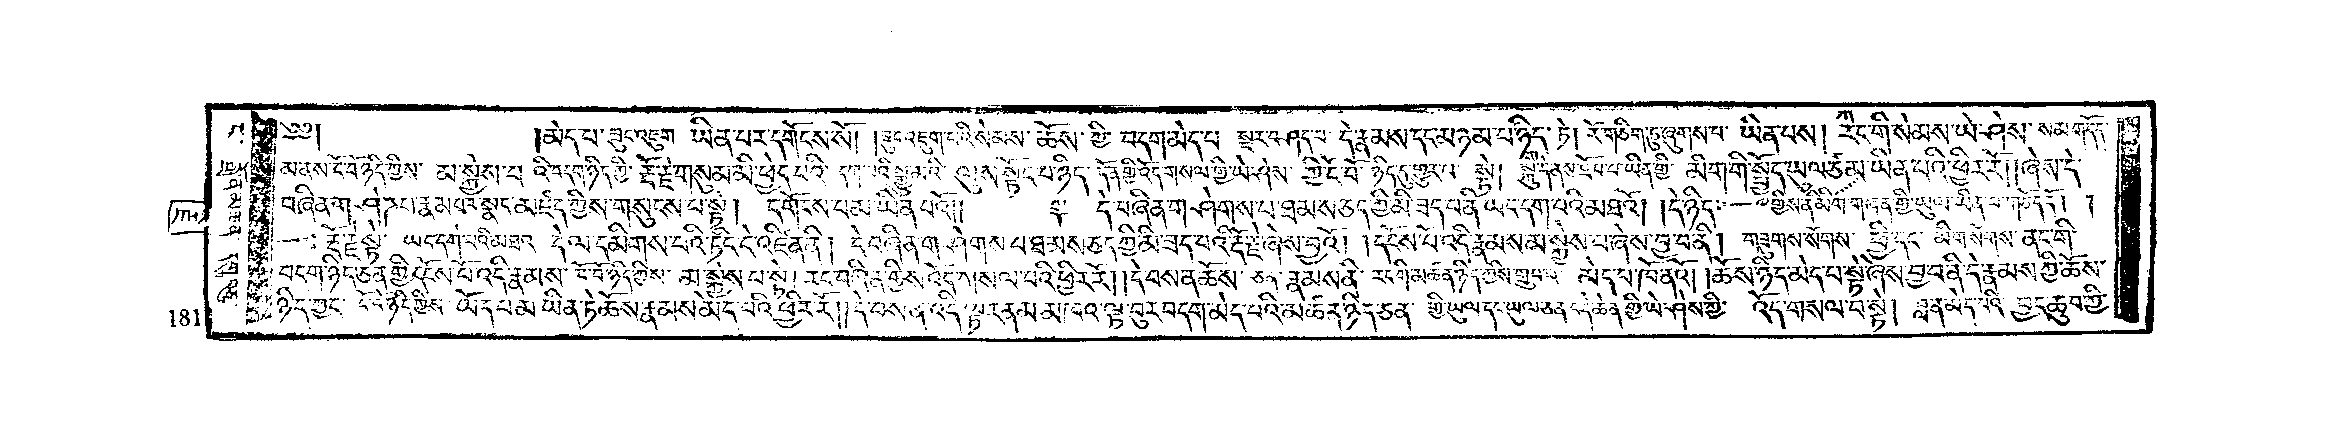༄༅། །མེད་པ་ཟུང་འཇུག་ཡིན་པར་དགོངས་སོ། ། ཟུང་འཇུག་པའི་སེམས་ཆོས་ཀྱི་བདག་མེད་པ་སྔར་བཤད་པ་དེ་རྣམས་དང་མཉམ་པ་ཉིད་ཏེ། རོ་གཅིག་ཏུ་ཞུགས་པ་ཡིན་པས། ཀ྄་རང་གི་སེམས་ཡེ་ཤེས་སམ་གདོད་
མ་ནས་ངོ་བོ་ཉིད་ཀྱིས་མ་སྐྱེས་པའི་བདག་ཉིད་ཀྱི་རྡོ་རྗེ་གསུམ་མི་ཕྱེད་པའི་དག་པའི་སྒྱུ་མའི་ལུས་སྟོང་པ་ཉིད་དོན་གྱི་འོད་གསལ་གྱི་ཡེ་ཤེས་ཀྱི་ངོ་བོ་ཉིད་དུ་གྱུར་པ་སྟེ། ཁ་སྐུ་དེ་ནས་ཐོབ་པ་ཡིན་གྱི་མིག་གི་སྤྱོད་ཡུལ་ཙམ་ཡིན་པའི་ཕྱིར་རོ། །ཞེས་དེ་
བཞིན་གཤེགས་པ་རྣམ་པར་སྣང་མཛད་ཀྱིས་གསུངས་པ་སྟེ། དགོངས་པ་མ་ཡིན་པའོ།། ༈ དེ་བཞིན་གཤེགས་པ་ཐམས་ཅད་ཀྱི་མི་ཟད་པ་ནི་ཡང་དག་པའི་མཐའོ། །དེ་ཉིད་H.་༧་གྱིས་ནི་མིག་གཞན་གྱི་ཡུལ་ཡིན་པ་གཅོད་དོ། །
.H རྡོ་རྗེ་སྟེ་ཡང་དག་པའི་མཐའ་དེ་ལ་དམིགས་པའི་ཏིང་ངེ་འཛིན་ནི། དེ་བཞིན་གཤེགས་པ་ཐམས་ཅད་ཀྱི་མི་ཟད་པའི་རྡོ་རྗེ་ཞེས་བྱའོ། །དངོས་པོ་འདི་རྣམས་མ་སྐྱེས་པ་ཞེས་བྱ་བ་ནི། གཟུགས་སོགས་ཕྱི་དང་མིག་སོགས་ནང་གི་
བདག་ཉིད་ཅན་གྱི་དངོས་པོ་འདི་རྣམས་ངོ་བོ་ཉིད་ཀྱིས་མ་སྐྱེས་པ་སྟེ། རང་བཞིན་གྱིས་འོད་གསལ་བའི་ཕྱིར་རོ། །དེ་བས་ན་ཆོས་ཅན་རྣམས་ནི་རང་གི་མཚན་ཉིད་ཀྱིས་གྲུབ་པ་མེད་པ་ཁོ་ནའོ། །ཆོས་ཉིད་མེད་པ་སྟེ་ཞེས་བྱ་བ་ནི་དེ་རྣམས་ཀྱི་ཆོས་
ཉིད་ཀྱང་ངོ་བོ་ཉིད་ཀྱིས་ཡོད་པ་མ་ཡིན་ཏེ་ཆོས་རྣམས་མེད་པའི་ཕྱིར་རོ། །དེ་བས་ན་འདི་ལྟར་ནམ་མཁའ་ལྟ་བུར་བདག་མེད་པའི་མཚན་ཉིད་ཅན་གྱི་ཡུལ་དང་ཡུལ་ཅན་བདེ་ཆེན་གྱི་ཡེ་ཤེས་ཀྱི་འོད་གསལ་བ་སྟེ། བླ་ན་མེད་པའི་བྱང་ཆུབ་ཀྱི་